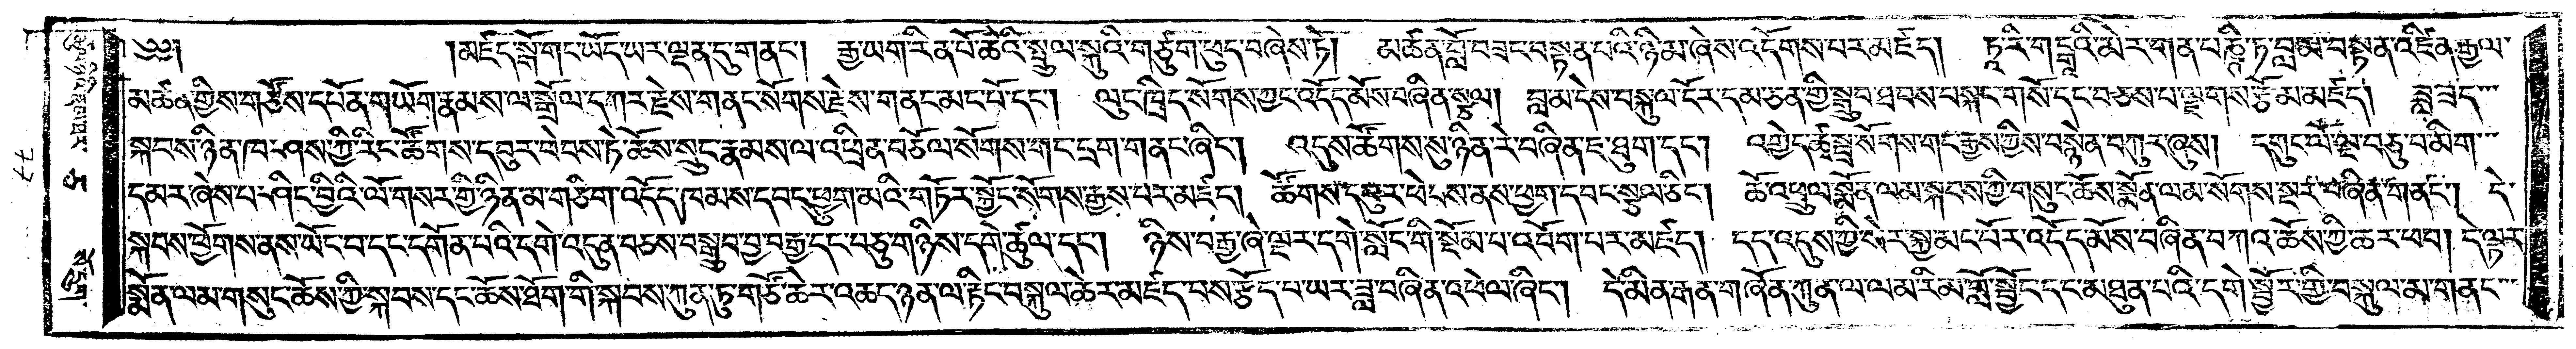༄༅། །མཛད་སྒོ་གང་ཡོད་ཡར་ལྡན་དུ་གནང་། རྒྱ་ཡག་རིན་པོ་ཆེའི་སྤྲུལ་སྐུའི་གཙུག་ཕུད་བཞེས་ཏེ། མཚན་བློ་བཟང་བསྟན་པའི་ཉི་མ་ཞེས་འདོགས་པར་མཛད། ཏཱ་རི་གངྒཱའི་མེར་གན་པཎྚི་ཏ་བླ་མ་བསྟན་འཛིན་རྒྱལ་
མཚན་གྱིས་གཙོས་དཔོན་གཡོག་རྣམས་ལ་སྒྲོལ་དཀར་རྗེས་གནང་སོགས་རྗེས་གནང་མང་པོ་དང་། ལུང་ཁྲིད་སོགས་ཀྱང་འདོད་མོས་བཞིན་སྩལ། བླ་མ་དེས་བསྐུལ་ངོར་དམ་ཅན་གྱི་སྒྲུབ་ཐབས་བསྐང་གསོ་དང་བཅས་པ་ལྗགས་རྩོམ་མཛད། ཟླ་ཟད་
སྐབས་ཉིན་ཁ་ཤས་ཀྱི་རིང་ཚོགས་དབུར་ཕེབས་ཏེ་ཆོས་སྲུང་རྣམས་ལ་འཕྲིན་བཅོལ་སོགས་གང་དྲག་གནང་ཞིང་། འདུས་ཚོགས་སུ་ཉིན་རེ་བཞིན་ཇ་ཐུག་དང་། འགྱེད་ཚྭ་སྦྲ་སོགས་གང་རྒྱས་ཀྱི་བསྙེན་བཀུར་ཞུས། དགུང་ལོ་ལྔ་བཅུ་མིག་
དམར་ཞེས་པ་ཤིང་བྱིའི་ལོ་གསར་གྱི་ཉིན་མ་གཅིག་འདོད་ཁམས་དབང་ཕྱུག་མའི་གཏོར་སྐྱོང་སོགས་རྒྱས་པར་མཛད། ཚོགས་དབུར་ཕེབས་ནས་ཕྱག་དབང་སྩལ་ཅིང་། ཆོ་འཕྲུལ་སྨོན་ལམ་སྐབས་ཀྱི་གསུང་ཆོས་སྨོན་ལམ་སོགས་སྔར་བཞིན་གནང་། དེ་
སྐབས་ཕྱོགས་ནས་ཡོང་བ་དང་དགོན་པའི་དགེ་འདུན་བཅས་བསྒྲུབ་བྱ་བརྒྱ་དང་བཅུ་གཉིས་དགེ་ཚུལ་དང་། ཉིས་བརྒྱ་ཞེ་ལྔར་དགེ་སློང་གི་སྡོམ་པ་འབོག་པར་མཛད། དད་འདུས་ཀྱི་སེར་སྐྱ་མང་པོར་འདོད་མོས་བཞིན་བཀའ་ཆོས་ཀྱི་ཆར་ཕབ། དེ་ལྟར་
སྨོན་ལམ་གསུང་ཆོས་ཀྱི་སྐབས་དང་ཆོས་ཐོག་གི་སྐབས་ཀུན་ཏུ་གཙོ་ཆེར་འཆད་ཉན་ལ་རྟིང་བསྐུལ་ཆེར་མཛད་པས་རྩོད་པ་ཡར་ཟླ་བཞིན་འཕེལ་ཞིང་། དེ་མིན་རྒན་གཞོན་ཀུན་ལ་ལམ་རིམ་བློ་སྦྱོང་དང་མཐུན་པའི་དགེ་སྦྱོར་གྱི་བསྐུལ་མ་གནང་